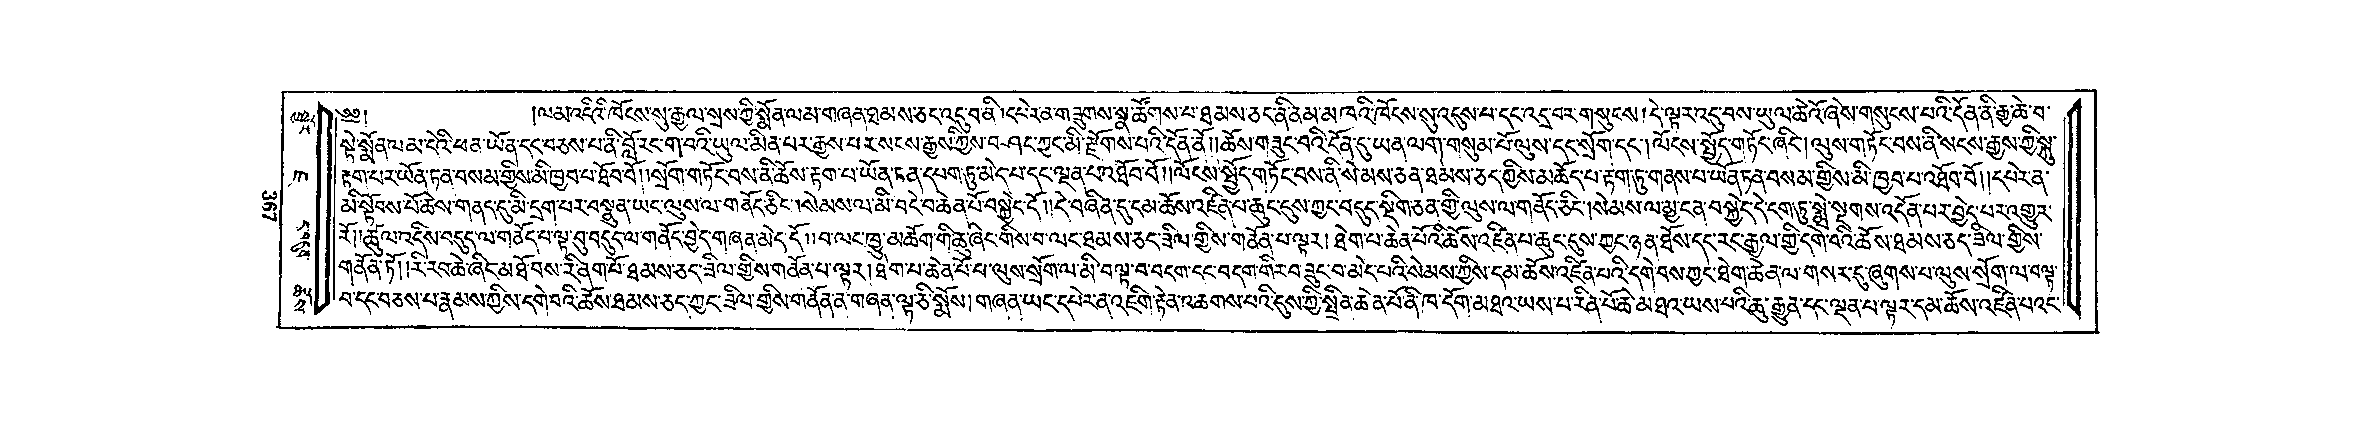༄༅། །ལམ་འདིའི་ཁོངས་སུ་རྒྱལ་སྲས་ཀྱི་སྨོན་ལམ་གཞན་ཐམས་ཅད་འདུ་བ་ནི། དཔེར་ན་གཟུགས་སྣ་ཚོགས་པ་ཐམས་ཅད་ནི་ནམ་མཁའི་ཁོངས་སུ་འདུས་པ་དང་འདྲ་བར་གསུངས། དེ་ལྟར་འདུ་བས་ཡུལ་ཆེའོ་ཞེས་གསུངས་པའི་དོན་ནི་རྒྱ་ཆེ་བ་
སྟེ་སྨོན་ལམ་དེའི་ཕན་ཡོན་དང་བཅས་པ་ནི་བློ་རང་ག་བའི་ཡུལ་མིན་པར་རྒྱས་པར་སངས་རྒྱས་ཀྱིས་བཤད་ཀྱང་མི་རྫོགས་པའི་དོན་ནོ། །ཆོས་གཟུང་བའི་དོན་དུ་ཡན་ལག་གསུམ་པོ་ལུས་དང་སྲོག་དང་། ལོངས་སྤྱོད་གཏོང་ཞིང་། ལུས་གཏོང་བས་ནི་སངས་རྒྱས་ཀྱི་སྐུ་
རྟག་པར་ཡོན་ཏན་བསམ་གྱིས་མི་ཁྱབ་པ་ཐོབ་བོ། །སྲོག་གཏོང་བས་ནི་ཆོས་རྟག་པ་ཡོན་ཏན་དཔག་ཏུ་མེད་པ་དང་ལྡན་པ་འཐོབ་བོ། །ལོངས་སྤྱོད་གཏོང་བས་ནི་སེམས་ཅན་ཐམས་ཅད་ཀྱིས་མཆོད་པ་རྟག་ཏུ་གནས་པ་ཡོན་ཏན་བསམ་གྱིས་མི་ཁྱབ་པ་འཐོབ་བོ། །དཔེར་ན་
མི་སྟོབས་པོ་ཆེས་གནད་དུ་མི་དྲག་པར་བསྣུན་ཡང་ལུས་ལ་གནོད་ཅིང་། སེམས་ལ་མི་བདེ་བ་ཆེན་པོ་བསྐྱེད་དོ། །དེ་བཞིན་དུ་དམ་ཆོས་འཛིན་པ་ཆུང་དུས་ཀྱང་བདུད་སྡིག་ཅན་གྱི་ལུས་ལ་གནོད་ཅིང་། སེམས་ལ་མྱ་ངན་བསྐྱེད་དེ་དག་ཏུ་སྨྲེ་སྔགས་འདོན་པར་བྱེད་པར་འགྱུར་
རོ། །ཚུལ་འདིས་བདུད་ལ་གནོད་པ་ལྟ་བུ་བདུད་ལ་གནོད་བྱེད་གཞན་མེད་དོ། །བ་ལང་ཁྱུ་མཆོག་གི་ཆུ་ཞིང་གིས་བ་ལང་ཐམས་ཅད་ཟིལ་གྱིས་གནོན་པ་ལྟར། ཐེག་པ་ཆེན་པོའི་ཆོས་འཛིན་པ་ཆུང་དུས་ཀྱང་ཉན་ཐོས་དང་རང་རྒྱལ་གྱི་དགེ་བའི་ཆོས་ཐམས་ཅད་ཟིལ་གྱིས་
གནོན་ཏོ། །རི་རབ་ཆེ་ཞིང་མཐོ་བས་རི་ནག་པོ་ཐམས་ཅད་ཟིལ་གྱིས་གནོན་པ་ལྟར། ཐེག་པ་ཆེན་པོ་པ་ལུས་སྲོག་ལ་མི་བལྟ་བ་བདག་དང་བདག་གིར་བཟུང་བ་མེད་པའི་སེམས་ཀྱིས་དམ་ཆོས་འཛིན་པའི་དགེ་བས་ཀྱང་ཐེག་ཆེན་ལ་གསར་དུ་ཞུགས་པ་ལུས་སྲོག་ལ་བལྟ་
བ་དང་བཅས་པ་རྣམས་ཀྱིས་དགེ་བའི་ཆོས་ཐམས་ཅད་ཀྱང་ཟིལ་གྱིས་གནོན་ན་གཞན་ལྟ་ཅི་སྨོས། གཞན་ཡང་དཔེར་ན་འཇིག་རྟེན་འཆགས་པའི་དུས་ཀྱི་སྤྲིན་ཆེན་པོ་ནི་ཁ་དོག་མཐའ་ཡས་པ་རིན་པོ་ཆེ་མཐའ་ཡས་པའི་ཆུ་རྒྱུན་དང་ལྡན་པ་ལྟར་དམ་ཆོས་འཛིན་པའང་